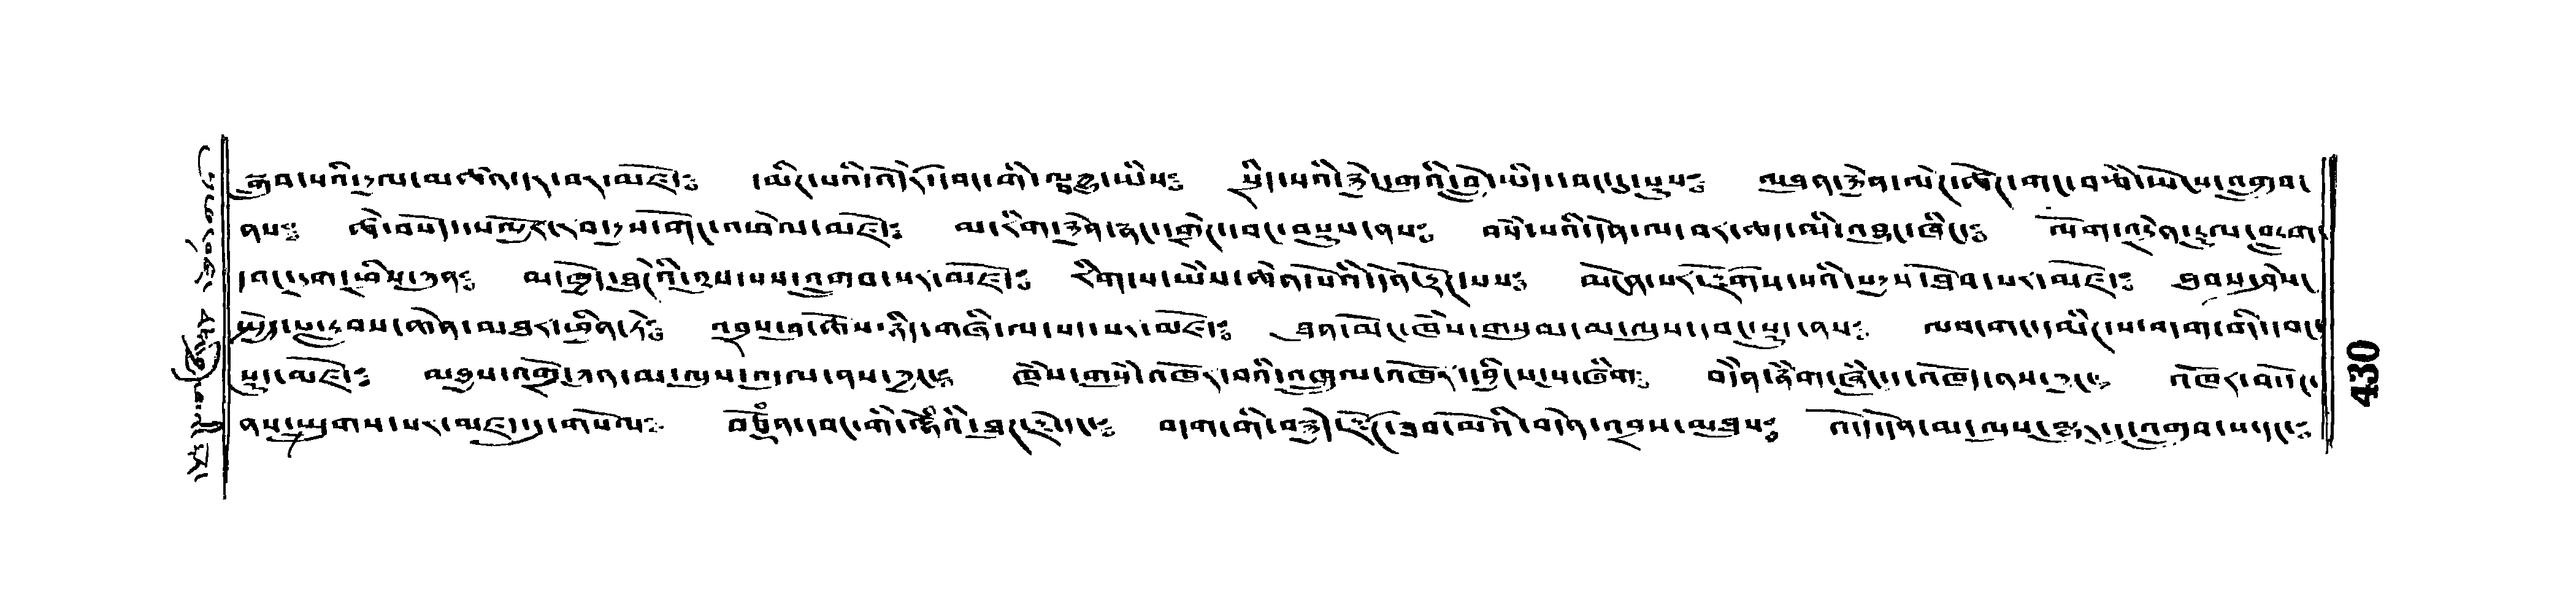སྒྲུབ་པའི་རྒྱལ་མཚན་དར་བར་མཛོད༔ དམིགས་པའི་འོད་ཟེར་དབང་གི་ལྕགས་ཀྱུ་ཡིས༔ སྲིད་པའི་སྐྱེ་དགུའི་བློ་ཡིད་དབང་དུ་སྡུས༔ མཐུན་རྐྱེན་ལེགས་ཚོགས་གང་བརྩམ་ཡོངས་འགྲུབ་
ནས༔ ཚེ་བསོད་དཔལ་འབྱོར་རབ་རྒྱས་གོང་འཕེལ་མཛོད༔མ་རིག་རྐྱེན་སྣང་དགྲ་བགེགས་དབང་བསྡུས་ནས༔ བསམ་པའི་དོན་ལ་བར་ཆད་མི་འབྱུང་ཞིང༔ ལོག་འདྲེན་རྡུལ་བརླག་
དབང་དྲག་ཕྲིན་ལས་ཀུན༔ མ་ཁྱོད་ཐུགས་རྗེའི་ནུས་པས་འགྲུབ་པར་མཛོདཿ རིག་པ་ཡེ་ཤེས་ཆེན་པོའི་དོན་རྟོགས་པས༔ མངོན་པར་རྫོགས་པའི་སངས་རྒྱས་ཐོབ་པར་མཛོད༔ ཐབས་ཤེས་
སྤྱོད་པ་རླབས་ཆེན་མཐར་ཕྱིན་ཏེ༔ འབྲས་བུ་ཆོས་ཉིད་གཞི་ལ་སད་པར་མཛོད༔ ཐུན་མོང་ཁམས་གསུམ་མ་ལུས་དབང་སྡུད་ནས༔ ལས་གང་དམིགས་པ་བདག་གིས་དབང་
སྡུད་མཛོད༔ མཐའ་ཡས་རྒྱས་འགྲོ་ཀུན་མ་ལུས་འདུལ་ནས་ཀྱང༔ ཁམས་གསུམ་འཁོར་བའི་འཁྲུལ་འཁོར་དབྱིངས་སུ་ཞིག༔ བདེ་ཆེན་རྣམ་དག་ཞིང་དུ་འཁོད་ནས་ཀྱང༔ འཁོར་བ་དོང་
ནས་སྤྲུགས་པར་མཛད་དུ་གསོལ༔ བཅོམ་ལྡན་དབང་གི་ལྷ་མོའི་ཐུགས་རྗེ་དང༔ བདག་གི་བསྐྱེད་རྫོགས་ཟབ་མོའི་བདེན་འབྲས་མཐུས༔ འདོད་དོན་མ་ལུས་མྱུར་དུ་འགྲུབ་པ་དང༔